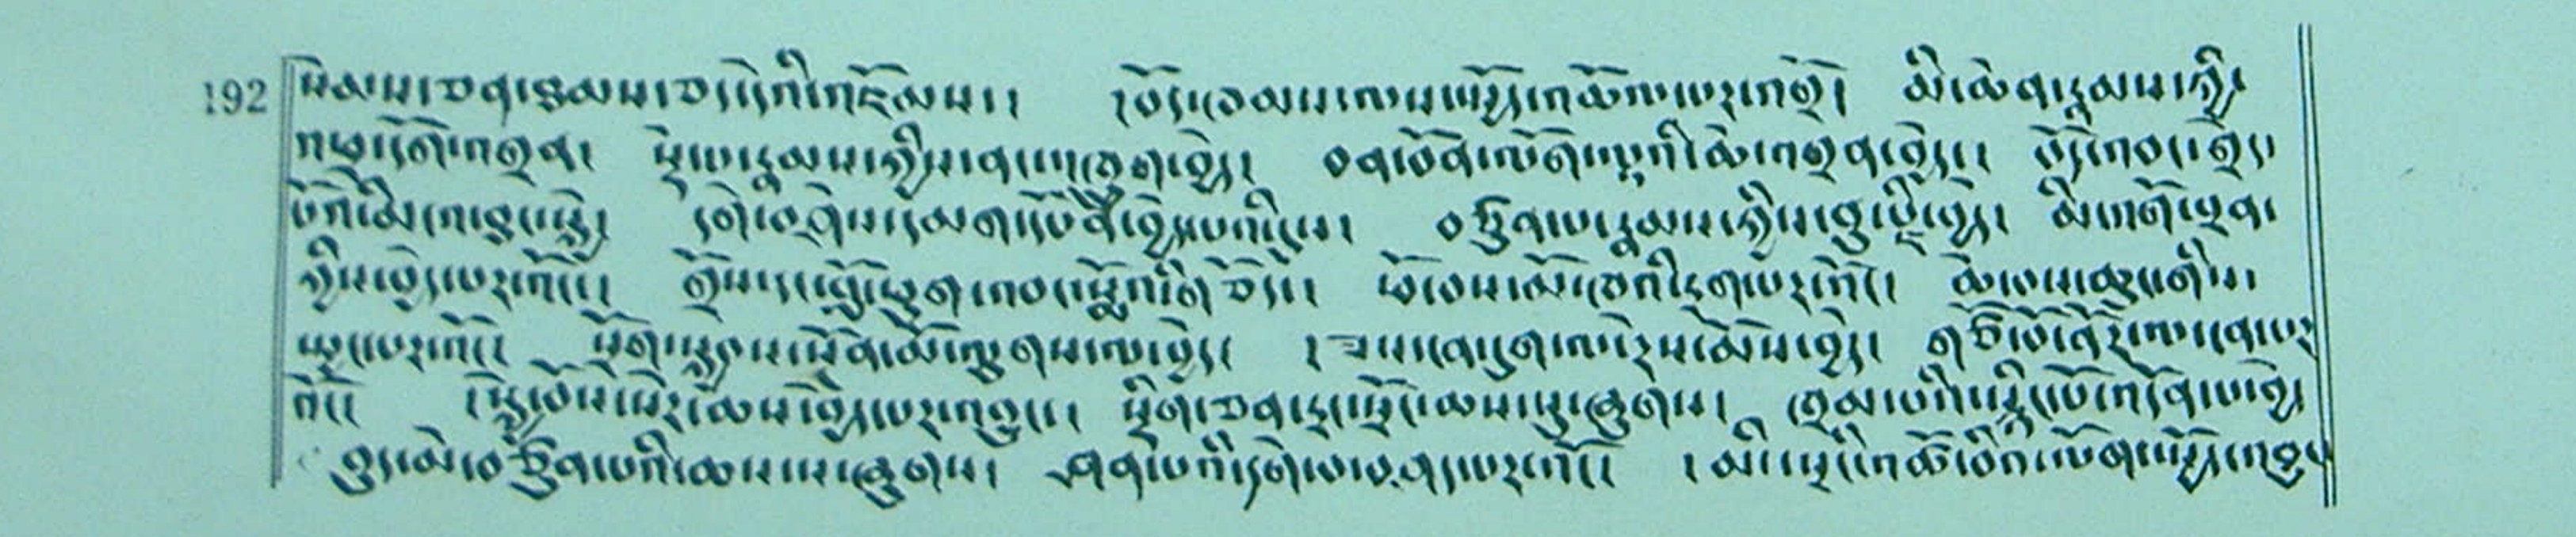སེམས་ཅན་ཐམས་ཅད་དེའི་འཇོམས། བོད་ཁམས་ལས་སྤྱོད་འཆོལ་བར་འགྲོ། མི་ཆེན་རྣམས་ཀྱིས་
འཕྲ་དོག་འགྲན། སྡེ་པ་རྣམས་ཀྱིས་ནང་འཁྲུགས་བྱེད། བན་བོན་ལོག་ལྟའི་ཆེ་འགྲན་བྱེད། བོད་འབངས་གྲེད་
པོའི་མངའ་བུང་སྐྱེ། དགེ་བཤེས་དམག་དཔོན་བྱེད་པའི་དུས། བཙུན་པ་རྣམས་ཀྱིས་བུ་རྫི་བྱེད། མི་མགོ་བྲན་
གྱིས་བྱེད་པར་འོང་། གྲོས་དང་བློ་ཕུགས་འབང་སྨིའི་གཅོད། ཕོ་བས་མོ་ཁའི་དྲག་པར་འོང་། ཆེ་བས་ཆུང་གིས་
ཡྱང་བར་འོང་། སྲོག་སྐྱབས་སྔོན་མོ་ལྕགས་ལ་བྱེད། ཟས་ངན་དུག་ལ་རེས་མོས་བྱེད། གཙོ་བོ་ནོར་ལ་ངན་པར་
འོང་། སྐྱེ་བོས་སེར་ཆས་བྱེད་པར་འབྱུང་། སྡིག་ཅན་དྲང་སོང་ཆས་སུ་ཞུགས། ཁྲམ་པའི་སྙིང་བོ་འདོན་པ་བྱེད།
 བུད་མེད་བཙུན་པའི་ཆས་ས་ཞུགས། ཤན་པའི་དགེ་བ་བཤད་པར་འོང་། མིང་སྲིང་འཚོ་བའི་ལོག་སྤྱོད་འབྱུང་།